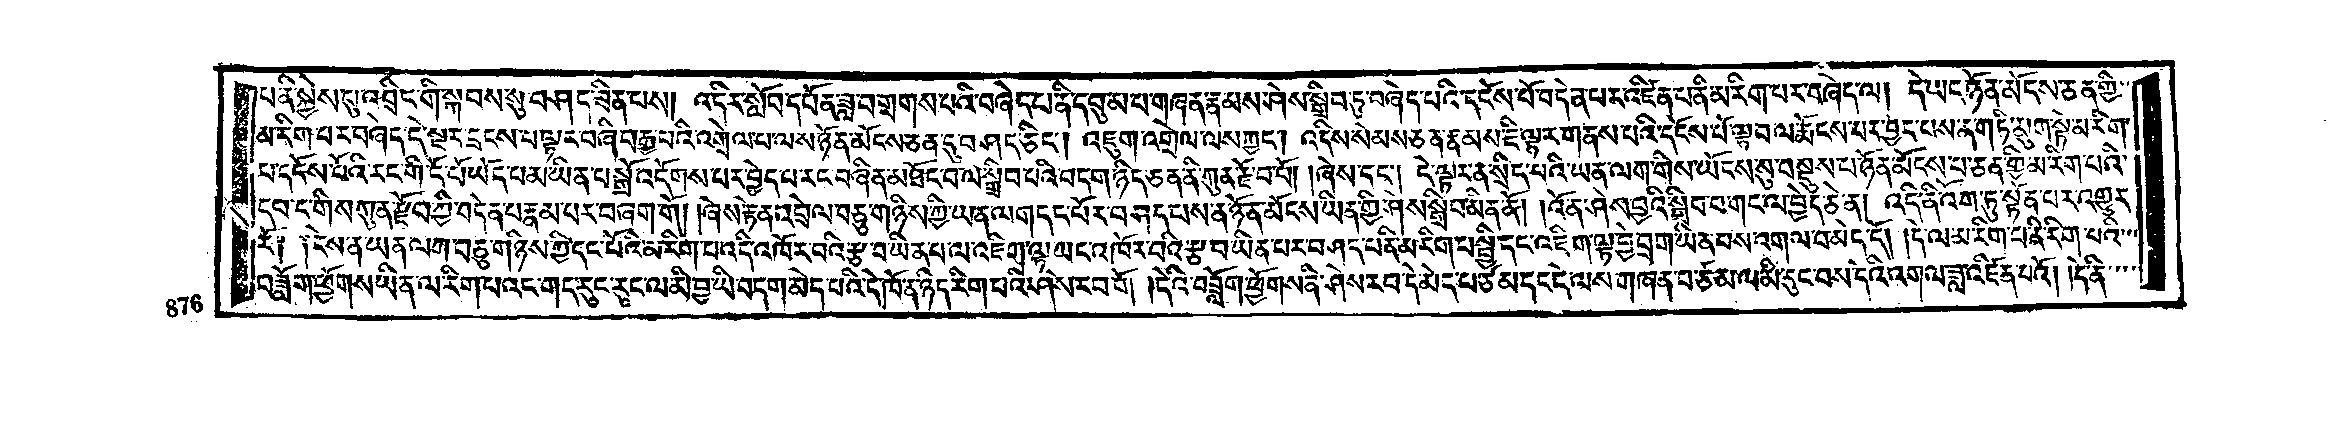པ་ནི་སྐྱེས་བུ་འབྲིང་གི་སྐབས་སུ་བཤད་ཟིན་པས། འདིར་སློབ་དཔོན་ཟླ་བ་གྲགས་པའི་བཞེད་པ་ནི་དབུ་མ་པ་གཞན་རྣམས་ཤེས་སྒྲིབ་ཏུ་བཞེད་པའི་དངོས་པོ་བདེན་པར་འཛིན་པ་ནི་མ་རིག་པར་བཞེད་ལ། དེ་ཡང་ཉོན་མོངས་ཅན་གྱི་
མ་རིག་པར་བཞེད་དེ་སྔར་དྲངས་པ་ལྟར་བཞི་བརྒྱ་པའི་འགྲེལ་པ་ལས་ཉོན་མོངས་ཅན་དུ་བཤད་ཅིང་། འཇུག་འགྲེལ་ལས་ཀྱང་། འདིས་སེམས་ཅན་རྣམས་ཇི་ལྟར་གནས་པའི་དངོས་པོ་ལྟ་བ་ལ་རྨོངས་པར་བྱེད་པས་ན་གཏི་མུག་སྟེ་མ་རིག་
པ་དངོས་པོའི་རང་གི་ངོ་བོ་ཡོད་པ་མ་ཡིན་པ་སྒྲོ་འདོགས་པར་བྱེད་པ་རང་བཞིན་མཐོང་བ་ལ་སྒྲིབ་པའི་བདག་ཉིད་ཅན་ནི་ཀུན་རྫོབ་བོ། །ཞེས་དང་། དེ་ལྟར་ན་སྲིད་པའི་ཡན་ལག་གིས་ཡོངས་སུ་བསྡུས་པ་ཉོན་མོངས་པ་ཅན་གྱི་མ་རིག་པའི་
དབང་གིས་ཀུན་རྫོབ་ཀྱི་བདེན་པ་རྣམ་པར་བཞག་གོ། །ཞེས་རྟེན་འབྲེལ་བཅུ་གཉིས་ཀྱི་ཡན་ལག་དང་པོར་བཤད་པས་ན་ཉོན་མོངས་ཡིན་གྱི་ཤེས་སྒྲིབ་མིན་ནོ། །འོ་ན་ཤེས་བྱའི་སྒྲིབ་པ་གང་ལ་བྱེད་ཅེ་ན། འདི་ནི་འོག་ཏུ་སྟོན་པར་འགྱུར་
རོ༑ ༑དེས་ན་ཡན་ལག་བཅུ་གཉིས་ཀྱི་དང་པོའི་མ་རིག་པ་འདི་འཁོར་བའི་རྩ་བ་ཡིན་པ་ལ་འཇིག་ལྟ་ཡང་འཁོར་བའི་རྩ་བ་ཡིན་པར་བཤད་པ་ནི་མ་རིག་པ་སྤྱི་དང་འཇིག་ལྟ་བྱེ་བྲག་ཡིན་པས་འགལ་བ་མེད་དོ། །དེ་ལ་མ་རིག་པ་ནི་རིག་པའི་
བཟློག་ཕྱོགས་ཡིན་ལ་རིག་པའང་གང་རུང་རུང་ལ་མི་བྱ་ཡི་བདག་མེད་པའི་དེ་ཁོ་ན་ཉིད་རིག་པའི་ཤེས་རབ་བོ། །དེའི་བཟློག་ཕྱོགས་ནི་ཤེས་རབ་དེ་མེད་པ་ཙམ་དང་དེ་ལས་གཞན་པ་ཙམ་ལ་མི་རུང་བས་དེའི་འགལ་ཟླ་འཛིན་པའོ། །དེ་ནི་